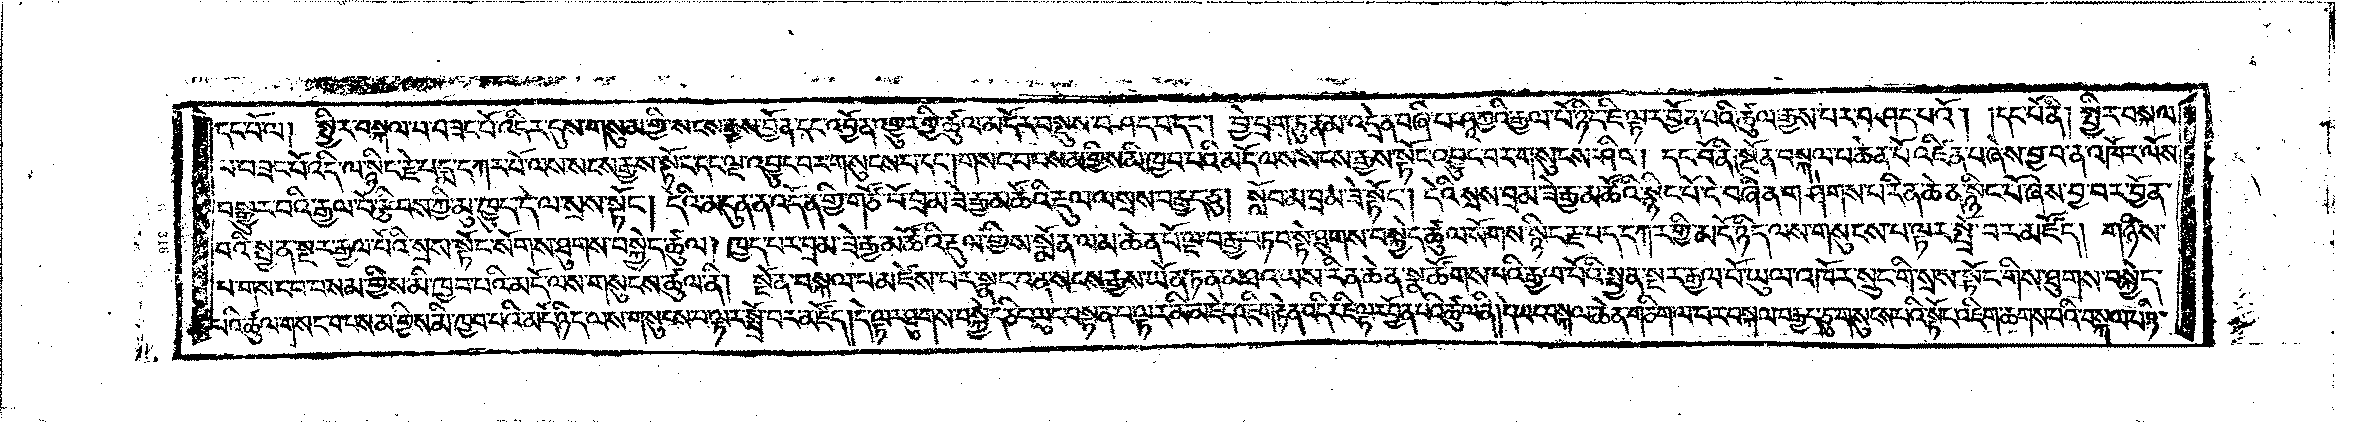དང་པོ་ལ། སྤྱིར་བསྐལ་པ་བཟང་པོ་འདིར་དུས་གསུམ་གྱི་སངས་རྒྱས་བྱོན་དང་འབྱོན་འགྱུར་གྱི་ཚུལ་མདོར་བསྡུས་བཤད་པ་དང་། བྱེ་བྲག་ཏུ་རྣམ་འདྲེན་བཞི་པ་ཤཱཀྱའི་རྒྱལ་པོ་ཉིད་ཇི་ལྟར་བྱོན་པའི་ཚུལ་རྒྱས་པར་བཤད་པའོ། །དང་པོ་ནི། སྤྱིར་བསྐལ་
པ་བཟང་པོ་འདི་ལ་སྙིང་རྗེ་པདམ་དཀར་པོ་ལས་སངས་རྒྱས་སྟོང་དང་ལྔ་འབྱུང་བར་གསུངས་པ་དང་། གསང་བ་བསམ་གྱིས་མི་ཁྱབ་པའི་མདོ་ལས་སངས་རྒྱས་སྟོང་འབྱུང་བར་གསུངས་ཤིང་། དང་པོ་ནི་སྔོན་བསྐལ་པ་ཆེན་པོ་འཛིན་པ་ཞེས་བྱ་བ་ན་འཁོར་ལོས་
བསྒྱུར་བའི་རྒྱལ་པོ་རྩིབས་ཀྱི་མུ་ཁྱུད་དེ་ལ་སྲས་སྟོང་། དེའི་མདུན་ན་འདོན་གྱི་གཙོ་བོ་བྲམ་ཟེ་རྒྱ་མཚོའི་རྡུལ་ལ་སྲས་བརྒྱད་ཅུ། སློབ་མ་བྲམ་ཟེ་སྟོང་། དེའི་སྲས་བྲམ་ཟེ་རྒྱ་མཚོའི་སྙིང་པོ་དེ་བཞིན་གཤེགས་པ་རིན་ཆེན་སྙིང་པོ་ཞེས་བྱ་བར་བྱོན་
བའི་སྤྱན་སྔར་རྒྱལ་པོའི་སྲས་སྟོང་སོགས་ཐུགས་བསྐྱེད་ཚུལ། ཁྱད་པར་བྲམ་ཟེ་རྒྱ་མཚོའི་རྡུལ་གྱིས་སྨོན་ལམ་ཆེན་པོ་ལྔ་བརྒྱ་བཏབ་སྟེ་ཐུགས་བསྐྱེད་ཚུལ་སོགས་སྙིང་རྗེ་པད་དཀར་གྱི་མདོ་ཉིད་ལས་གསུངས་པ་ལྟར་སྤྲོ་བར་མཛོད། གཉིས་
པ་གསང་བ་བསམ་གྱིས་མི་ཁྱབ་པའི་མདོ་ལས་གསུངས་ཚུལ་ནི། སྔོན་བསྐལ་པ་མཛེས་པར་སྣང་བ་ན་སངས་རྒྱས་ཡོན་ཏན་མཐའ་ཡས་རིན་ཆེན་སྣ་ཚོགས་པའི་རྒྱལ་པོའི་སྤྱན་སྔར་རྒྱལ་པོ་ཡུལ་འཁོར་སྲུང་གི་སྲས་སྟོང་གིས་ཐུགས་བསྐྱེད་
པའི་ཚུལ་གསང་བ་བསམ་གྱིས་མི་ཁྱབ་པའི་མདོ་ཉིད་ལས་གསུངས་པ་ལྟར་སྤྲོ་བར་མཛོད། དེ་ལྟར་ཐུགས་བསྐྱེད་ཅིང་ལུང་བསྟན་པ་ལྟར་མི་མཛེད་འཇིག་རྟེན་འདིར་ཇི་ལྟར་བྱོན་པའི་ཚུལ་ནི། དེ་ཡང་བསྐལ་ཆེན་གཅིག་ལ་བར་བསྐལ་བརྒྱད་ཅུ་གསུངས་པའི་སྟོང་འཇིག་ཆགས་པའི་བསྐལ་པ་ཉི་